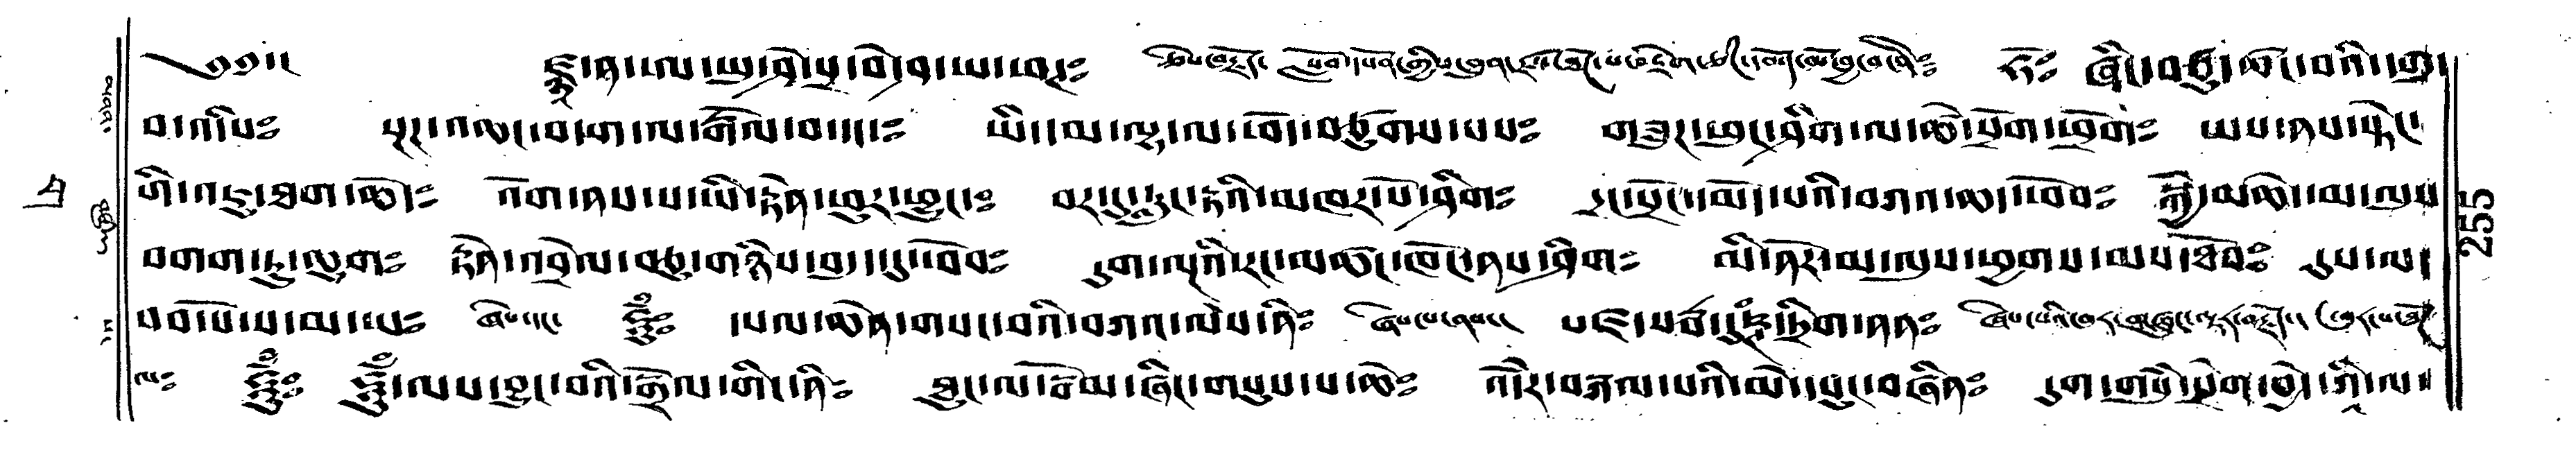ཛྙཱ་ན་ཨ་ཡུ་ཤེ་པྲ་བེ་ཤ་ཡ་ཕཊཿ ཅེས་རྗོད། སློབ་དཔོན་གྱིས་ཐུན་རྫས་ཐོགས་པ་རྡེག་ཅིང་དམོད་མོ་བྱ་བ་ནི། ཧོཿ ཞིང་བཅུ་ཚང་བའི་དགྲ་
བོ་འདིསཿ སྔགས་འཆང་བདག་ལ་རྒོལ་བ་དངཿ ཡི་དམ་ལྷ་ལ་ཕོད་བཙུགས་པསཿ གཟུགས་ཕུང་ཤིག་ལ་ཚེ་སྲོག་ཕྲོགསཿ ཡས་ནས་སྟེང་
གི་འཇུ་ཐག་ཆོདཿ འོག་ནས་ས་ཡི་རྟེན་ཕུར་ཕྱུངསཿ བར་དུ་རླུང་རྟའི་མཁར་པོ་ཤིགསཿ དྲང་སྲོང་དམོད་པའི་བཀའ་ཆད་ཕོབསཿསྐྱེ་མཆེད་མ་ལུས་
འགགས་སུ་ཆུགསཿ རྟེན་འབྲེལ་བཅུ་གཉིས་བདུད་དུ་ཕོབསཿ དུག་ལྔའི་རང་མཚང་ཁོང་ནས་ཤིགསཿ མི་ནོར་མ་ལུས་ཕྱགས་མས་ཐོབསཿ དུས་ལ་
བབ་པོ་ས་མ་ཡཿ ཞེས་དང་ཧཱུྃཿ དཔལ་ཆེན་གསང་བའི་བཀའ་ལས་ནིཿ ཞེས་པ་ནས། བཛྲ་སརྦ་དུཥྚན་ཏྲིག་ནནཿ ཞེས་པའི་བར་གཞུང་ལྟར་རྗོད། ཕུར་པ་ཐོགས་
ལ། ཧཱུྃཿ ཧཱུྃ་ལས་བྱུང་བའི་སྒྲོལ་གིང་ནིཿ ཐུང་ལ་སྦོམ་ཞིང་གསུས་པ་ཆེཿ འོད་ཟེར་བསྐལ་པའི་མེ་དཔུང་བཞིནཿ དུག་གསུམ་སྲེག་བྱེད་ཀཱི་ལ་